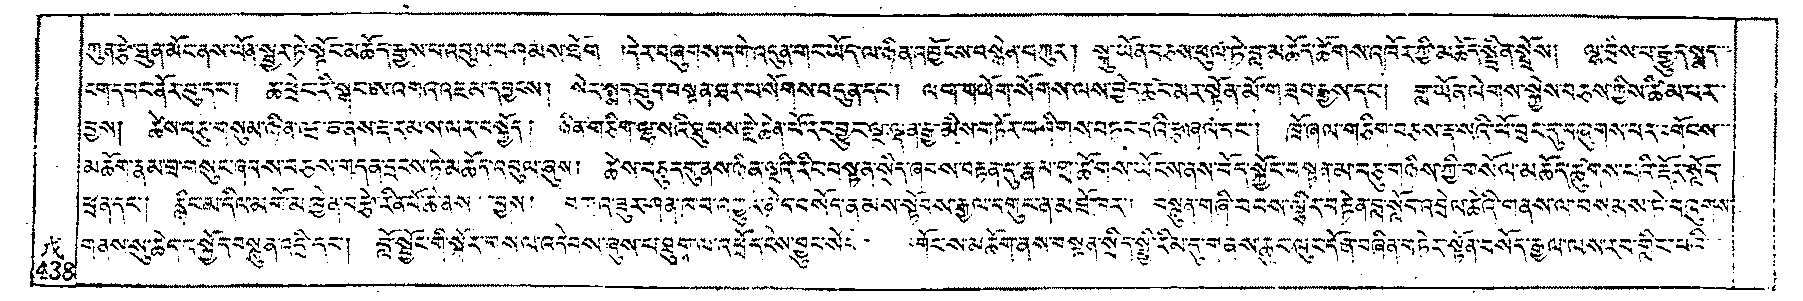ཀུན་རྩེ་ཐུན་མོང་ནས་ཡོན་སྦྱར་ཏེ་སྟོང་མཆོད་རྒྱས་པ་འབུལ་བཤམས་ཐོག །དེར་བཞུགས་དགེ་འདུན་གང་ཡོད་ལ་ཉིན་འཁྱོངས་བསྙེན་བཀུར། སྐུ་ཡོན་བཅས་ཕུལ་ཏེ་བླ་མཆོད་ཚོགས་འཁོར་གྱི་མཆོད་སྤྲིན་སྤྲོས། ལྷ་བྲིས་པ་རྒྱུད་སྨད་
ངག་དབང་ནོར་བུ་དང་། ཆ་ཕྲེང་རི་སྒང་ཨ་འགའ་འཇམ་དབྱངས། སེར་སྨད་ཐུབ་བསྟན་ཐར་པ་སོགས་བདུན་དང་། ལག་གཡོག་སོགས་ལས་བྱེད་ཚང་མར་སྟོན་མོ་གཟབ་རྒྱས་དང་། གླ་ཡོན་ལེགས་སྐྱེས་བཅས་ཀྱིས་ཚིམ་པར་
བྱས། ཚེས་བཅུ་གསུམ་ཉིན་ཝ་ཎ་ནས་རྡ་རམ་ས་ལར་བསྐྱོད། ཉིན་གཅིག་ལྷ་སའི་ཐུགས་རྗེ་ཆེན་པོ་རང་བྱུང་ལྔ་ལྡན་རྒྱ་མིས་གཏོར་བཤིགས་བཏང་བའི་རྩ་ཞལ་དང་། ཁྲོ་ཞལ་གཅིག་བཅས་རྡ་སའི་ཕོ་བྲང་དུ་བཞུགས་པར་༧གོང་ས་
མཆོག་རྣམ་གྲ་གསུང་ཞབས་བཅས་གདན་དྲངས་ཏེ་མཆོད་འབུལ་ཞུས། ཚེས་བཅུ་དགུ་ནས་ཉིན་ལྔའི་རིང་བསྟན་སྲིད་ཞབས་བརྟན་དུ་རྣམ་གྲ་ཚོགས་ཡོངས་ནས་བོད་སྐྱོང་བསྟན་མ་བཅུ་གཉིས་ཀྱི་གསོལ་མཆོད་ཚུགས་པའི་རྡོར་སློབ་
ཕྲན་དང་། རྙིང་མ་དིལ་མགོ་མཁྱེན་བརྩེ་རིན་པོ་ཆེ་ནས་བྱས། བཀའ་ཟུར་ཤན་ཁ་བ་འགྱུར་མེད་བསོད་ནམས་སྟོབས་རྒྱལ་དགུང་ན་མཐོ་ཁར། བསྙུན་གཞི་བབས་ལྕིར་བརྟེན་བླ་སློབ་འབྲེལ་ཆེའི་གནས་ལ་བསམས་ཏེ་བཞུགས་
གནས་སུ་ཆེད་བསྐྱོད་བསྙུན་འདྲི་དང་། བློ་སྦྱོང་གི་སྐོར་གསལ་འདེབས་ཞུས་པ་ཐུགས་ལ་འཕྲོད་ངེས་བྱུང་སོང་། ༧གོང་ས་མཆོག་ནས་བསྟན་སྲིད་སྤྱི་རིམ་དུ་གནས་ཆུང་ལུང་དོན་བཞིན་གཏེར་སྟོན་བསོད་རྒྱལ་ལས་རབ་གླིང་པའི་